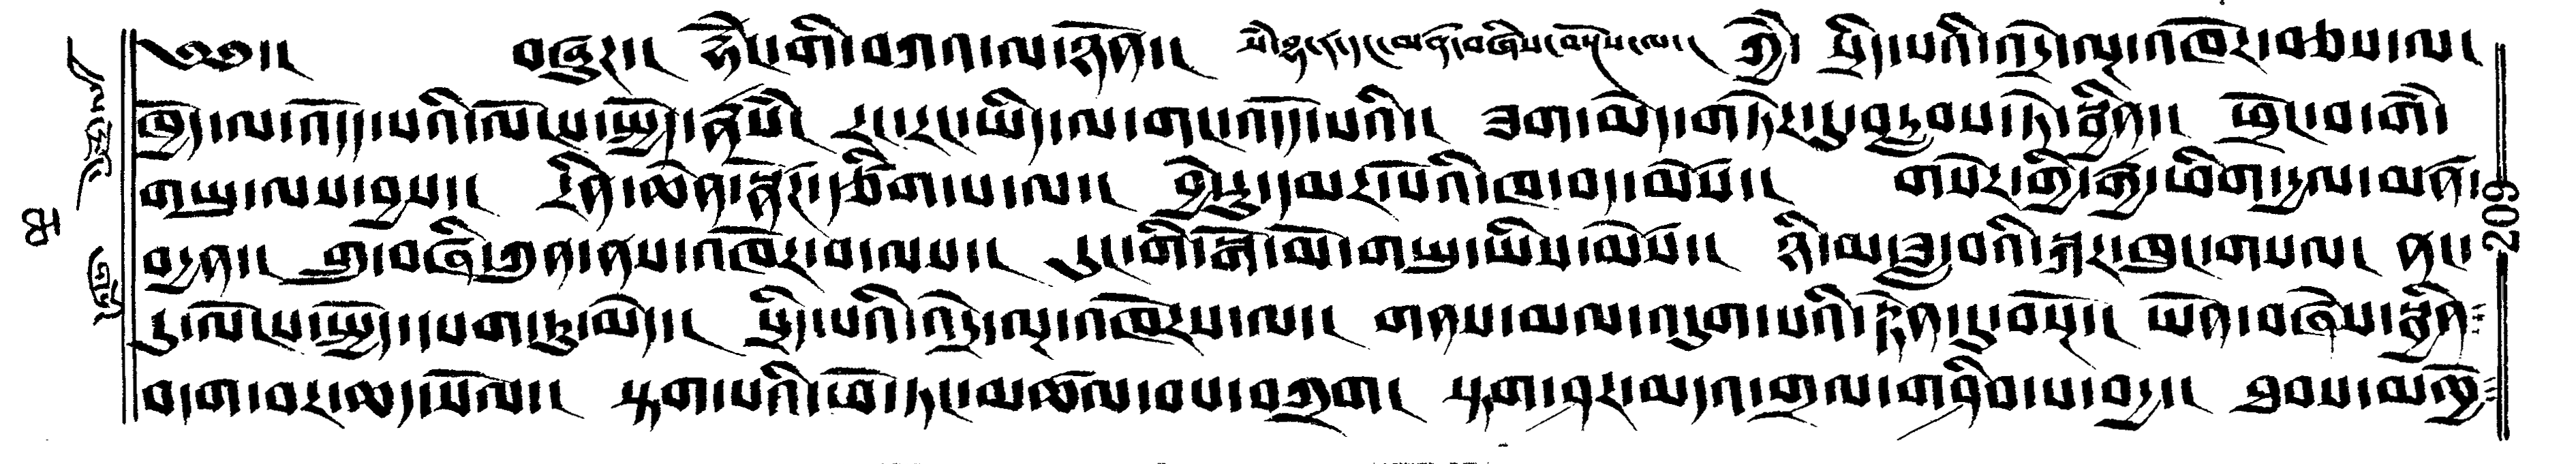བཞུགས། །རྡོ་རྗེ་འཆང་གི་བཀའ་ལ་ཉོན། སམ་བྷ་ར་དག་མཚན་བཞིས་བསྔོས་ལ། །ཀྱཻ། །སྲིད་པའི་འདྲེ་ལྔ་འཁོར་བཅས་ལ། 
ཁྱོད་ལ་འདོད་པའི་ལོངས་སྤྱོད་རྣམས། །རང་རང་ཡིད་ལ་གང་འདོད་པའི། །ཟག་མེད་གཏེར་དུ་བརླབས་ཏེ་སྦྱིན། །ཕོ་བྲང་བ་གམ་
གཡུ་ལས་བྱས། །རིན་ཆེན་སྣ་ཚོགས་རྩིག་པ་ལ། །བྱེ་རུ་དམར་པོའི་ཁ་བད་མཛེས། །གསེར་གྱི་རྒྱ་ཕིག་རྒྱལ་མཚན་
བརྒྱན། །གྲུ་བཞི་ཀུན་ནས་འཁོར་བ་ལས། །དུང་གི་སྒོ་མོ་གཡུ་ཡིས་མཛེས། །ཉི་མ་ཟླ་བའི་སྐར་ཁུང་གསལ། །ནང་
དུ་ལོངས་སྤྱོད་དཔག་ཏུ་མེད། །སྲིད་པའི་འདྲེ་ལྔ་འཁོར་བཅས་ལ། །གནས་མལ་འདུག་པའི་རྟེན་དུ་བསྔོ། །ཡོན་བཞེས་སྦྱིན་
བདག་བར་ཆད་སོལ། །སྟག་པའི་ཕོ་ཏང་མཚལ་བས་བཀྲག སྟག་ཤར་མདའ་གྲལ་གཤིབ་པ་བརྒྱད། །ཐབས་མཆོག་